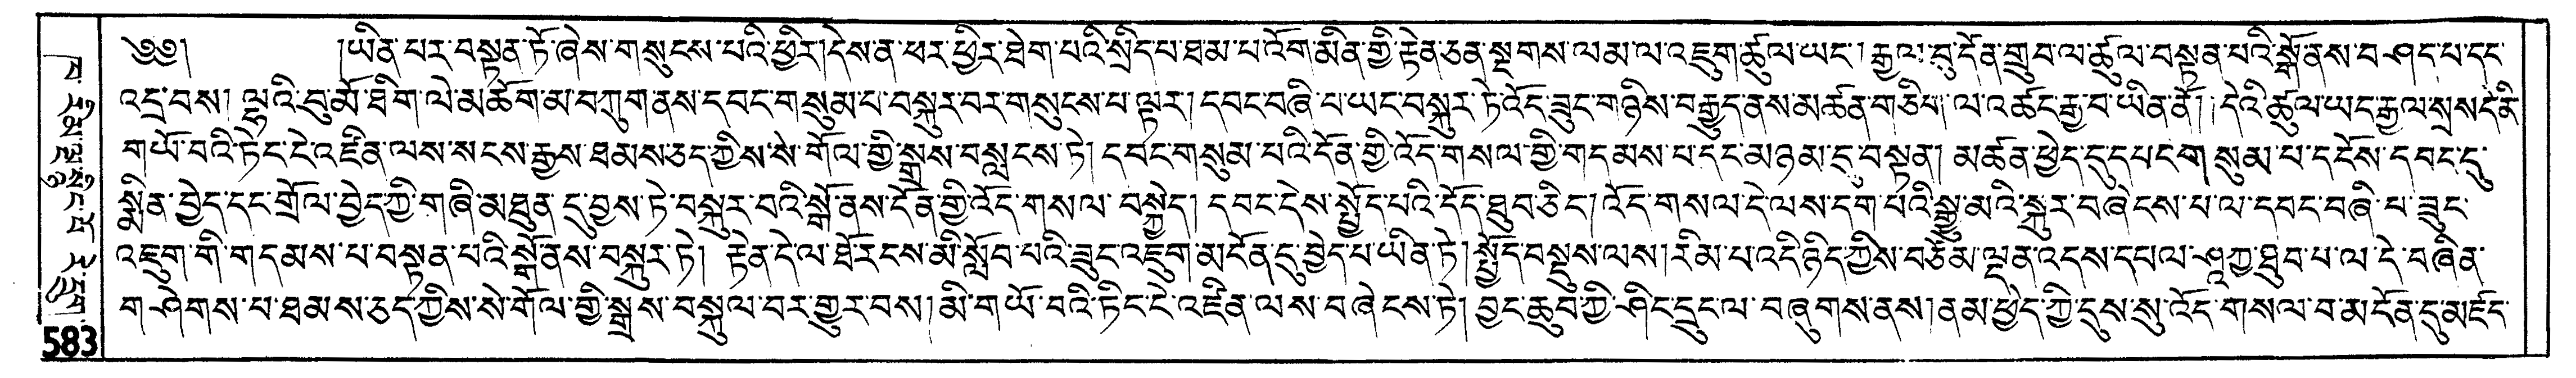༄༅། །ཡིན་པར་བསྟན་ཏོ་ཞེས་གསུངས་པའི་ཕྱིར། དེས་ན་ཕར་ཕྱིར་ཐེག་པའི་སྲིད་པ་ཐ་མ་པ་འོག་མིན་གྱི་རྟེན་ཅན་སྔགས་ལམ་ལ་འཇུག་ཚུལ་ཡང་། རྒྱལ་བུ་དོན་གྲུབ་ལ་ཚུལ་བསྟན་པའི་སྒོ་ནས་བཤད་པ་དང་
འདྲ་བས། ལྷའི་བུ་མོ་ཐིག་ལེ་མཆོག་མ་བཀུག་ནས་དབང་གསུམ་པ་བསྐུར་བར་གསུངས་པ་ལྟར། དབང་བཞི་པ་ཡང་བསྐུར་ཏེ་འོད་ཟུང་གཉིས་བརྒྱུད་ནས་མཚན་གཅིག་ལ་འཚང་རྒྱ་བ་ཡིན་ནོ། །དེའི་ཚུལ་ཡང་རྒྱལ་སྲས་དེ་ནི་
གཡོ་བའི་ཏེང་ངེ་འཛིན་ལས་སངས་རྒྱས་ཐམས་ཅད་ཀྱིས་སེ་གོལ་གྱི་སྒྲས་བསླངས་ཏེ། དབང་གསུམ་པའི་དོན་གྱི་འོད་གསལ་གྱི་གདམས་པ་དང་མཉམ་དུ་བསྟན། མཚན་ཕྱེད་དུ་དཔང་གསུམ་པ་དངོས་དབང་དུ་
སྨིན་བྱེད་དང་གྲོལ་བྱེད་ཀྱི་གཞི་མཐུན་དུ་བྱས་ཏེ་བསྐུར་བའི་སྒོ་ནས་དོན་གྱི་འོད་གསལ་བསྐྱེད། དབང་དེས་སྤྱོད་པའི་དོད་ཐུབ་ཅིང་། འོད་གསལ་དེ་ལས་དག་པའི་སྒྱུ་མའི་སྐུར་བཞེངས་པ་ལ་དབང་བཞི་པ་ཟུང་
འཇུག་གི་གདམས་པ་བསྟན་པའི་སྒོ་ནས་བསྐུར་ཏེ། རྟེན་དེ་ལ་ཐོ་རངས་མི་སློབ་པའི་ཟུང་འཇུག་མངོན་དུ་བྱེད་པ་ཡིན་ཏེ། སྤྱོད་བསྡུས་ལས། རིམ་པ་འདི་ཉིད་ཀྱིས་བཅོམ་ལྡན་འདས་དཔལ་ཤཱཀྱ་ཐུབ་པ་ལ་དེ་བཞིན་
གཤེགས་པ་ཐམས་ཅད་ཀྱིས་སེ་གོལ་གྱི་སྒྲས་བསྐུལ་བར་གྱུར་བས། མི་གཡོ་བའི་ཏིང་ངེ་འཛིན་ལས་བཞེངས་ཏེ། བྱང་ཆུབ་ཀྱི་ཤིང་དྲུང་ལ་བཞུགས་ནས། ནམ་ཕྱེད་ཀྱི་དུས་སུ་འོད་གསལ་བ་མངོན་དུ་མཛད་